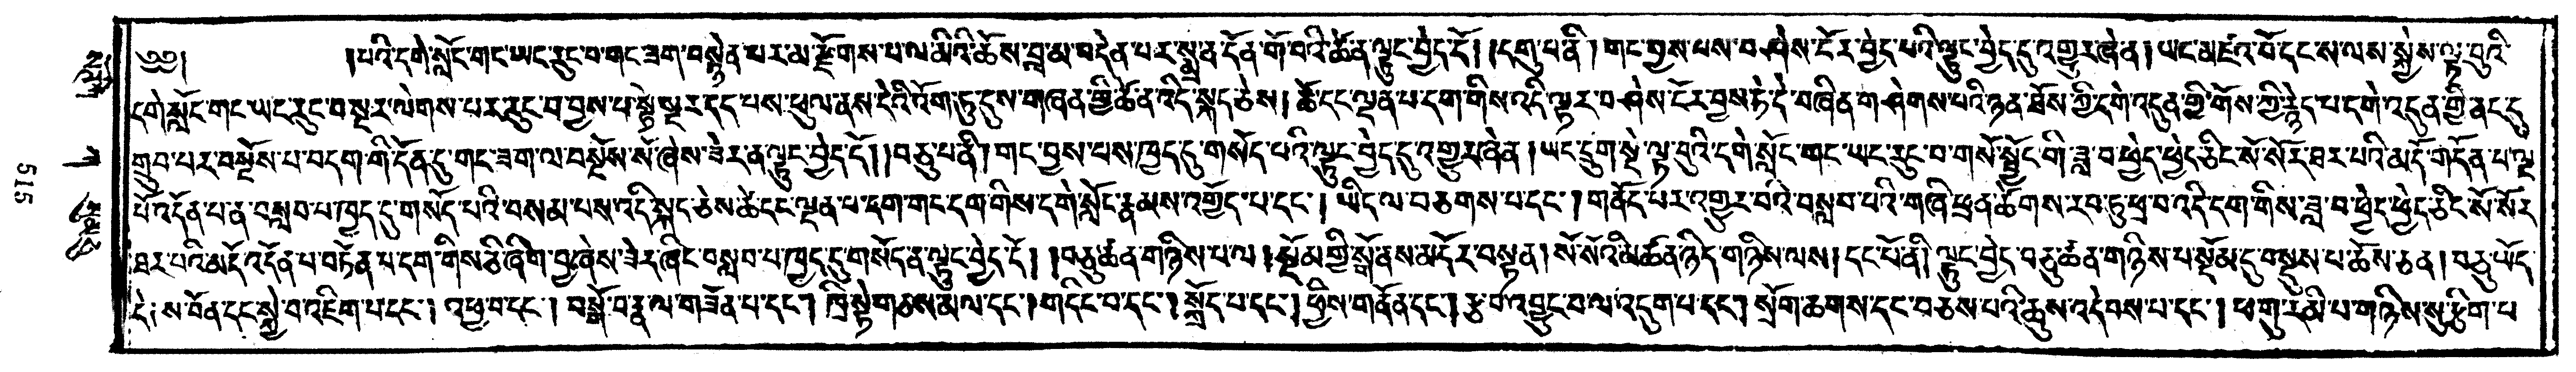༄༅། །པའི་དགེ་སློང་གང་ཡང་རུང་བ་གང་ཟག་བསྙེན་པར་མ་རྫོགས་པ་ལ་མིའི་ཆོས་བླ་མ་བདེན་པར་སྨྲ་ན་དོན་གོ་བའི་ཚེ་ན་ལྟུང་བྱེད་དོ། །དགུ་པ་ནི། གང་བྱས་པས་བཤེས་ངོར་བྱེད་པའི་ལྟུང་བྱེད་དུ་འགྱུར་ཞེ་ན། ཡང་མཛའ་བོ་དང་ས་ལས་སྐྱེས་ལྟ་བུའི་
དགེ་སློང་གང་ཡང་རུང་བསྔར་ལེགས་པར་རུང་བ་བྱས་པ་སྟེ་སྔར་དད་པས་ཕུལ་ནས་དེའི་འོག་ཏུ་དུས་གཞན་གྱི་ཚེ་ན་འདི་སྐད་ཅེས། ཚེ་དང་ལྡན་པ་དག་གིས་འདི་ལྟར་བཤེས་ངོར་བྱས་ཏེ་དེ་བཞིན་གཤེགས་པའི་ཉན་ཐོས་ཀྱི་དགེ་འདུན་གྱི་གོས་ཀྱི་རྙེད་པ་དགེ་འདུན་གྱི་ནང་དུ་
གྲུབ་པར་བསྔོས་པ་བདག་གི་དོན་དུ་གང་ཟག་ལ་བསྔོས་སོ་ཞེས་ཟེར་ན་ལྟུང་བྱེད་དོ། །བཅུ་པ་ནི། གང་བྱས་པས་ཁྱད་དུ་གསོད་པའི་ལྟུང་བྱེད་དུ་འགྱུར་ཞེ་ན། ཡང་དྲུག་སྡེ་ལྟ་བུའི་དགེ་སློང་གང་ཡང་རུང་བ་གསོ་སྦྱོང་གི་ཟླ་བ་ཕྱེད་ཕྱེད་ཅིང་སོ་སོར་ཐར་པའི་མདོ་གདོན་པ་ལྔ་
པོ་འདོན་པ་ན་བསླབ་པ་ཁྱད་དུ་གསོད་པའི་བསམ་པས་འདི་སྐད་ཅེས་ཚེ་དང་ལྡན་པ་དག་གང་དག་གིས་དགེ་སློང་རྣམས་འགྱོད་པ་དང་། ཡིད་ལ་བཅགས་པ་དང་། གནོད་པར་འགྱུར་བའི་བསླབ་པའི་གཞི་ཕྲན་ཚོགས་རབ་ཏུ་ཕྲ་བ་འདི་དག་གིས་ཟླ་བ་ཕྱེད་ཕྱེད་ཅིང་སོ་སོར་
ཐར་པའི་མདོ་འདོན་པ་བཏོན་པ་དག་གིས་ཅི་ཞིག་བྱ་ཞེས་ཟེར་ཞིང་བསླབ་པ་ཁྱད་དུ་གསོད་ན་ལྟུང་བྱེད་དོ། །བཅུ་ཚན་གཉིས་པ་ལ། སྡོམ་གྱི་སྒོ་ནས་མདོར་བསྟན། སོ་སོའི་མཚན་ཉིད་གཉིས་ལས། དང་པོ་ནི། ལྟུང་བྱེད་བཅུ་ཚན་གཉིས་པ་སྡོམ་དུ་བསྡུས་པ་ཆོས་ཅན། བཅུ་ཡོད་
དེ༑ ས་བོན་དང་སྐྱེ་བ་འཇིག་པ་དང་། འཕྱ་བ་དང་། བསྒོ་བ་རྣ་ལ་གཟོན་པ་དང་། ཁྲི་སྟེ་གཅས་མལ་དང་། གདིང་བ་དང་། སྐྲོད་པ་དང་། ཕྱིས་གནོན་དང་། རྩ་བ་འབྱུང་བ་ལ་འདུག་པ་དང་། སྲོག་ཆགས་དང་བཅས་པའི་ཆུས་འདེབས་པ་དང་། ཕ་གུ་རིམ་པ་གཉིས་སུ་རྩིག་པ་